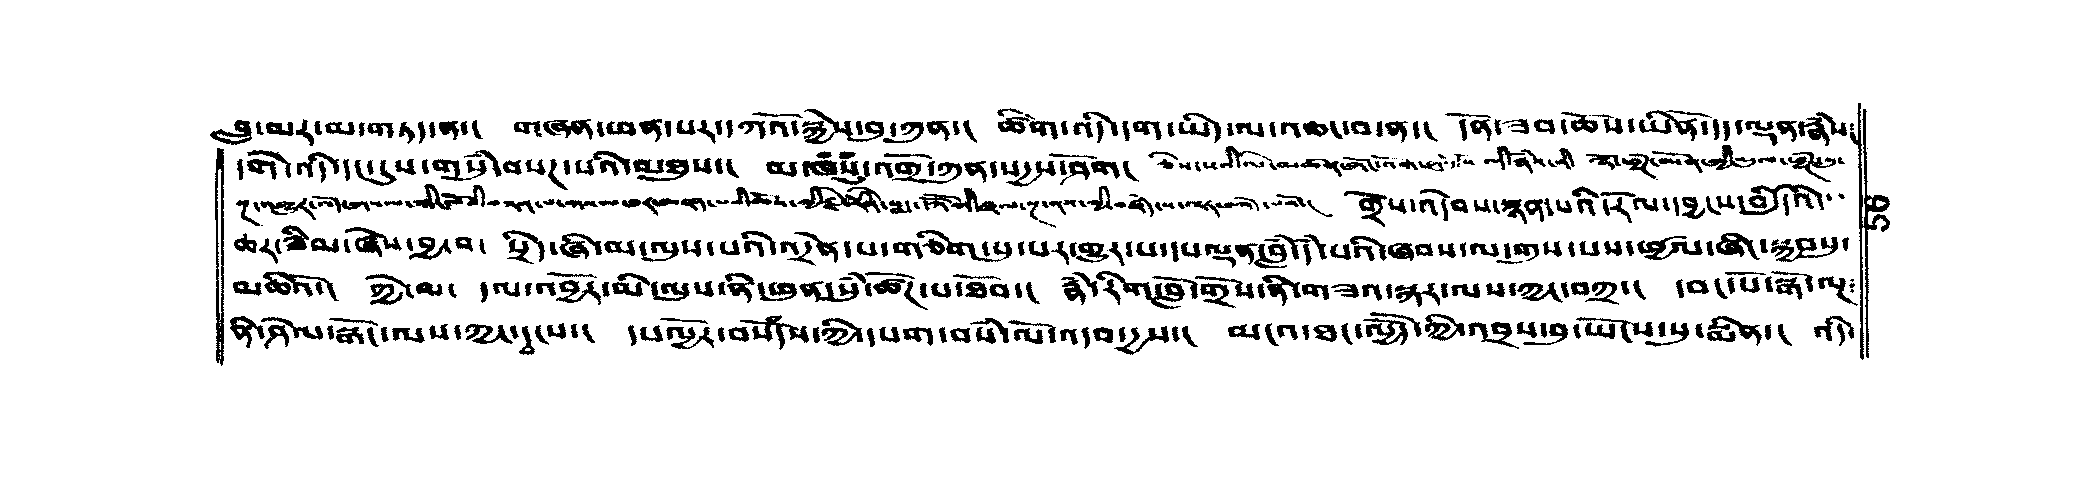བླ་མར་མ་གཏད་ན། །གཞན་ཕན་པར་དཀའའོ་སྐྱེས་བུ་ཀུན། །ཚིག་འདི་དག་ཡིད་ལ་འཆར་བ་ན། །དོན་ཟབ་ཆོས་ཡིན་ནོ་དད་ལྡན་རྣམས། །
དགེ་འདི་དང་དུས་གསུམ་བསགས་པའི་་མཐུས། །མ་ཁམས་གསུམ་འགྲོ་ཀུན་སངས་རྒྱས་ཤོག །ཅེས་པའི་ལེ་མཚན་གོང་འོག་གསུམ་པོ་འདི་རྣམས་ནི་ལྷོ་ཕྱོགས་མོན་གྱི་ཡུལ་ཕྱོགས་སུ་
སྔ་འགྱུར་འོད་གསལ་སྙིང་པོའི་བསྟན་པ་གསལ་བར་བྱེད་པའི་ཆོས་ཀྱི་རྗེ་རིན་པོ་ཆེ་པདྨ་དཀོན་མཆོག་གི་ཞལ་སྔ་ནས་བཞེད་པ་ལྟར་བཀོད་པའོ། གྲོས་འདེབས་སྙན་པའི་རོལ་དབྱངས་བདུད་རྩིའི་
ཆར་ཟིམ་ཞེས་བྱ་བ། །སྲིད་ཞི་མ་ལུས་པའི་འདྲེན་པ་གཅིག་པུ་པར་གྱུར་པ་དཔལ་ལྡན་བླ་མ་དམ་པའི་ཞབས་ལ་གུས་པས་ཕྱག་འཚལ་ཞིང་སྐྱབས་སུ་
མཆིའོ། ཀྱེ་མ། དལ་འབྱོར་མི་ལུས་ནི་ཕུན་སུམ་ཚོགས་པ་ཐོབ། །རྣམ་རིག་བློ་གྲོས་ནི་གཟའ་སྐར་ལས་ཀྱང་བཀྲ། །དབང་པོ་སྒོ་ལྔ་
ནི་ཤེལ་སྒོང་ལས་ཀྱང་དྭངས། །དཔལ་འབྱོར་བསོད་ནམས་ཀྱི་དཔག་བསམ་ལོ་འདབ་རྒྱས། །མངའ་ཐང་ལོངས་སྤྱོད་ཀྱི་འབྲས་བུ་ཡོངས་སུ་སྨིན། །འདི་